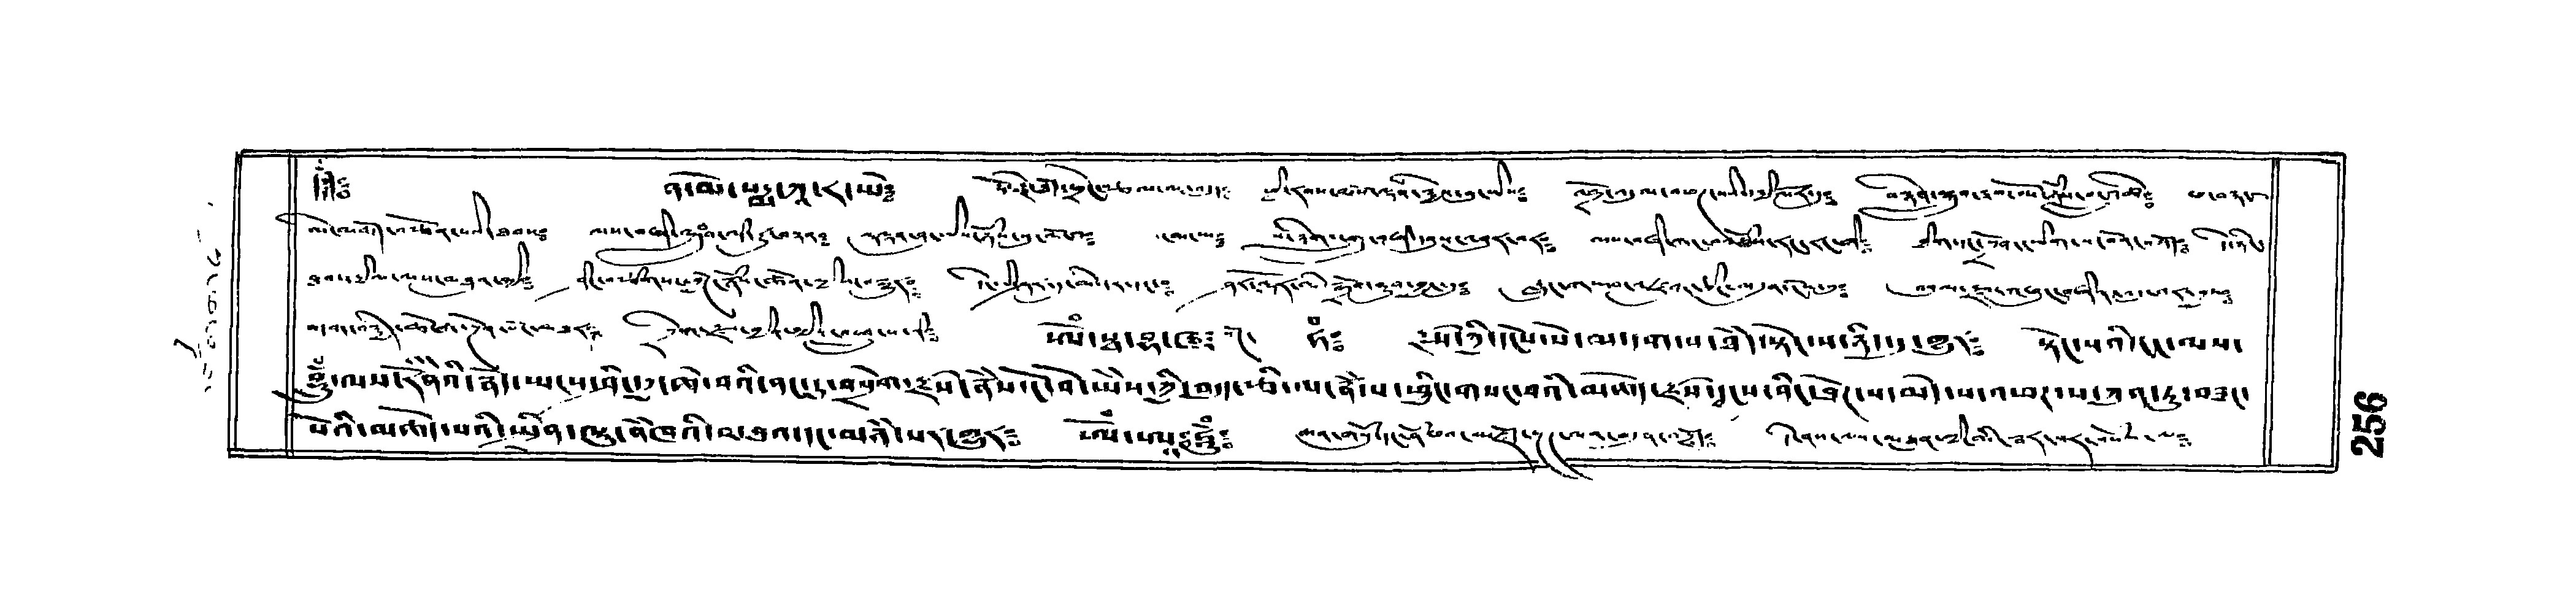ན་མོ་པདྨ་ཀཱ་ར་ཡེ༔ རྡོ་རྗེ་ཐོད་ཕྲེང་རྩལ་ལ་འདུད༔ ཕྱི་རབས་མོས་ལྡན་སྐྱེས་བུ་ཡིས༔ འགྲོ་འདུལ་འཕགས་པའི་དཀྱིལ་འཁོར་དུ༔ བསྙེན་སྒྲུབ་ཟབ་མོ་ཉམས་བླང་ཚེ༔ ཁ་སྐོང་
མེ་མཆོད་བརྩོན་པའི་ཐབས༔ ལས་བཞི་ལྷུན་འགྲུབ་འདི་རུ་བསྟན༔ སྐལ་ལྡན་བུ་ཡིས་ཉམས་སུ་ལོངས༔ ས་མ་ཡ༔ ས་སྟེགས་གྲུ་བཞི་དབུས་འབུར་བར༔ ལས་བཞི་གང་བརྩམས་རང་རང་གི༔ ཐིག་དང་སྲོག་ཡིག་ས་བོན་བཀོད༔ དེ་སྟེང་
ཐབ་དཀྱིལ་ལས་མཐུན་གྱི༔ ཤིང་བརྩིགས་ཕྱོགས་རྣམས་ཚོན་གྱིས་བསྒྱུར༔ དེང་ཡི་ཤར་དུ་མེ་དར་དང༔ ཤར་ལྷོར་མེ་སྒྲོན་ནུབ་བྱང་དུ༔ རླུང་གཡབ་འཛུགས་ཤིང་མདུན་ངོས་སུ༔ འབུལ་རྫས་གཞུང་བཞིན་འདུ་བར་བྱ༔ 
བདག་བསྐྱེད་ཆོ་ག་སྔོན་སོང་མཐར༔ སྲེག་རྫས་བྱིན་གྱིས་བརླབ་པ་ནི༔ ཨོཾ་སྭ་བྷ་ཝ༴ སོགས༔ ཧཾ༔ རྫས་ཀྱི་དངོས་པོ་མ་དག་པ་ཐམས་ཅད་སྟོང་པ་ཉིད་དུ་གྱུར༔ སྟོང་པའི་ངང་ལས་
བྷྲཱུྃ་ལས་རིན་པོ་ཆེའི་སྣོད་ཡངས་ཤིང་རྒྱ་ཆེ་བའི་ནང་དུ་སྲེག་རྫས་རྣམས་ངོ་བོ་ཡེ་ཤེས་ཀྱི་བདུད་རྩི་ལ་རྣམ་པ་ཕྱི་ནང་གསང་བའི་མཆོད་རྫས་དྭངས་ཤིང་ཐོགས་པ་མེད་པ་འཕགས་པ་ཀུན་ཏུ་བཟང་
པོའི་མཆོད་པའི་སྤྲིན་ལྟ་བུ་ནམ་མཁའི་མཐའ་དང་མཉམ་པར་གྱུར༔ ཨོཾ་ཨཱཿཧཱུྃ༔ ལན་གསུམ་དང་ནམ་མཁའ་མཛོད་སྔགས་ལན་བདུན་བརྗོད༔ དེ་ནས་ལས་མཐུན་གྱི་མེ་སྦར་པར་བསམ་ལ༔